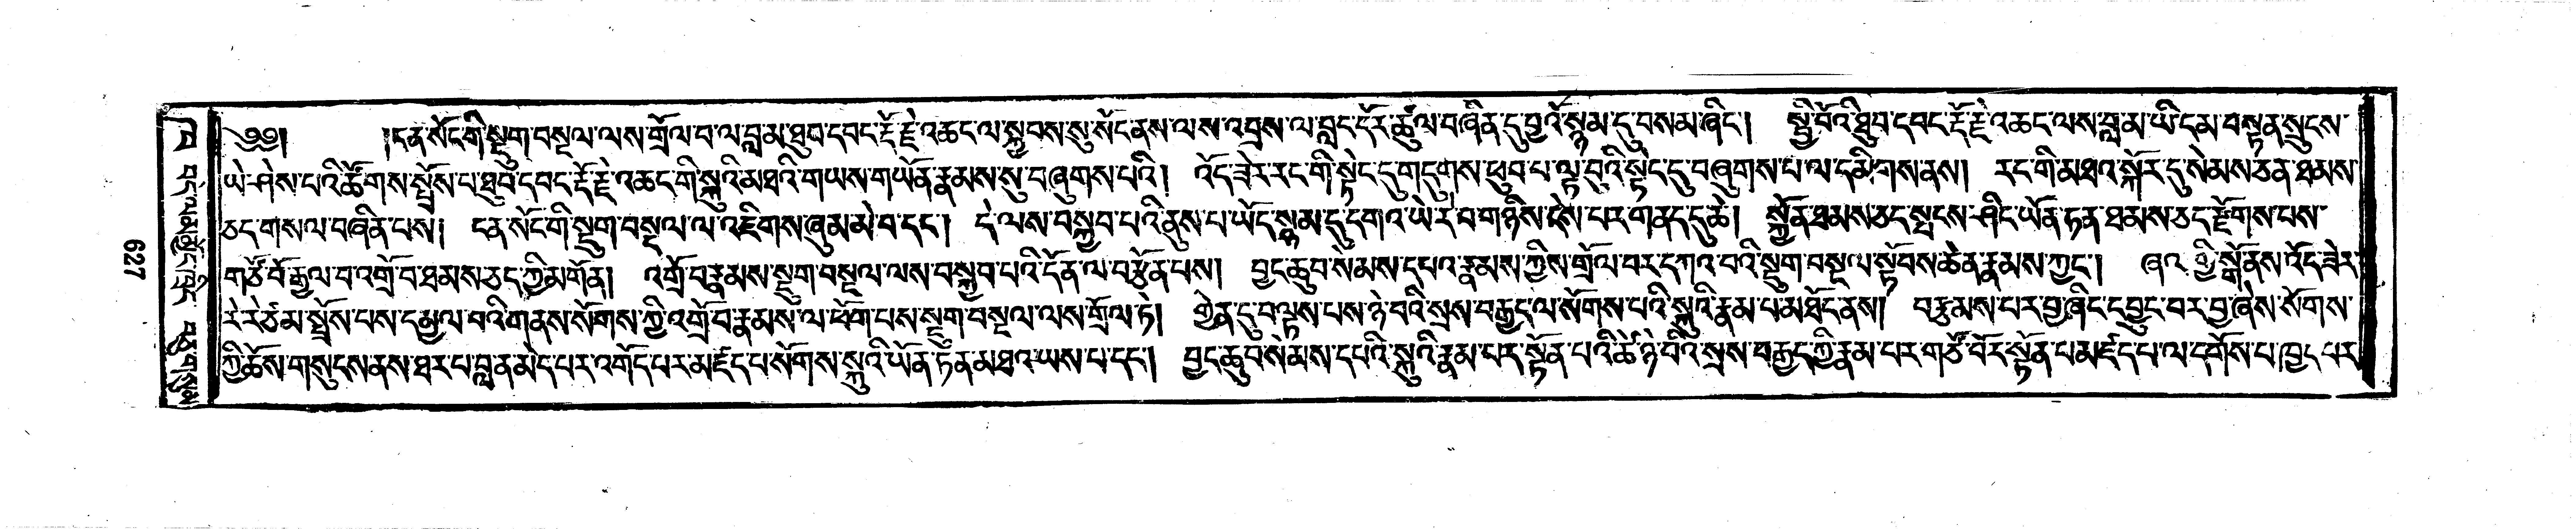༄༅། །ངན་སོང་གི་སྡུག་བསྔལ་ལས་གྲོལ་བ་ལ་བླ་མ་ཐུབ་དབང་རྡོ་རྗེ་འཆང་ལ་སྐྱབས་སུ་སོང་ནས་ལས་འབྲས་ལ་བླང་དོར་ཚུལ་བཞིན་དུ་བྱའོ་སྙམ་དུ་བསམ་ཞིང་། སྦྱི་བོའི་ཐུབ་དབང་རྡོ་རྗེ་འཆང་ལས་བླ་མ་ཡི་དམ་བསྟན་སྲུངས་
ཡེ་ཤེས་པའི་ཚོགས་སྤྲོས་པ་ཐུབ་དབང་རྡོ་རྗེ་འཆང་གི་སྐུའི་མཐའི་གཡས་གཡོན་རྣམས་སུ་བཞུགས་པའི། འོད་ཟེར་རང་གི་སྟེང་དུ་གདུགས་ཕུབ་པ་ལྟ་བུའི་སྟེང་དུ་བཞུགས་པ་ལ་དམིགས་ནས། རང་གི་མཐའ་སྐོར་དུ་སེམས་ཅན་ཐམས་
ཅད་གསལ་བཞིན་པས། ངན་སོང་གི་སྡུག་བསྔལ་ལ་འཇིགས་ཞུམ་མེ་བ་དང་། དེ་ལས་བསྐྱབ་པའི་ནུས་པ་ཡོད་སྙམ་དུ་དགའ་ཡེ་རེ་བ་གཉིས་ངེས་པར་གནད་དུ་ཆེ། སྐྱོན་ཐམས་ཅད་སྤངས་ཤིང་ཡོན་ཏན་ཐམས་ཅད་རྫོགས་པས་
གཙོ་བོ་རྒྱལ་བ་འགྲོ་བ་ཐམས་ཅད་ཀྱི་མགོན། འགྲོ་བ་རྣམས་སྡུག་བསྔལ་ལས་བསྐྱབ་པའི་དོན་ལ་བརྩོན་པས། བྱང་ཆུབ་སེམས་དཔའ་རྣམས་ཀྱིས་གྲོལ་བར་དཀའ་བའི་སྡུག་བསྔལ་སྟོབས་ཆེན་རྣམས་ཀྱང་། ཞལ་གྱི་སྒོ་ནས་འོད་ཟེར་
རེ་རེ་ཙམ་སྤྲོས་པས་དམྱལ་བའི་གནས་སོགས་ཀྱི་འགྲོ་བ་རྣམས་ལ་ཕོག་པས་སྡུག་བསྔལ་ལས་གྲོལ་ཏེ། གྱེན་དུ་བལྟས་པས་ཉེ་བའི་སྲས་བརྒྱད་ལ་སོགས་པའི་སྐུའི་རྣམ་པ་མཐོད་ནས། བརྩམས་པར་བྱ་ཞིང་དབྱུང་བར་བྱ་ཞེས་སོགས་
ཀྱི་ཆོས་གསུངས་ནས་ཐར་པ་བླ་ན་མེད་པར་འགོད་པར་མཛད་པ་སོགས་སྐུའི་ཡོན་ཏན་མཐའ་ཡས་པ་དང་། བྱང་ཆུབ་སེམས་དཔའི་སྐུའི་རྣམ་པར་སྟོན་པའི་ཚེ་ཉེ་བའི་སྲས་བརྒྱད་ཀྱི་རྣམ་པར་གཙོ་བོར་སྟོན་པ་མཛད་པ་ལ་དགོས་པ་ཁྱད་པར་